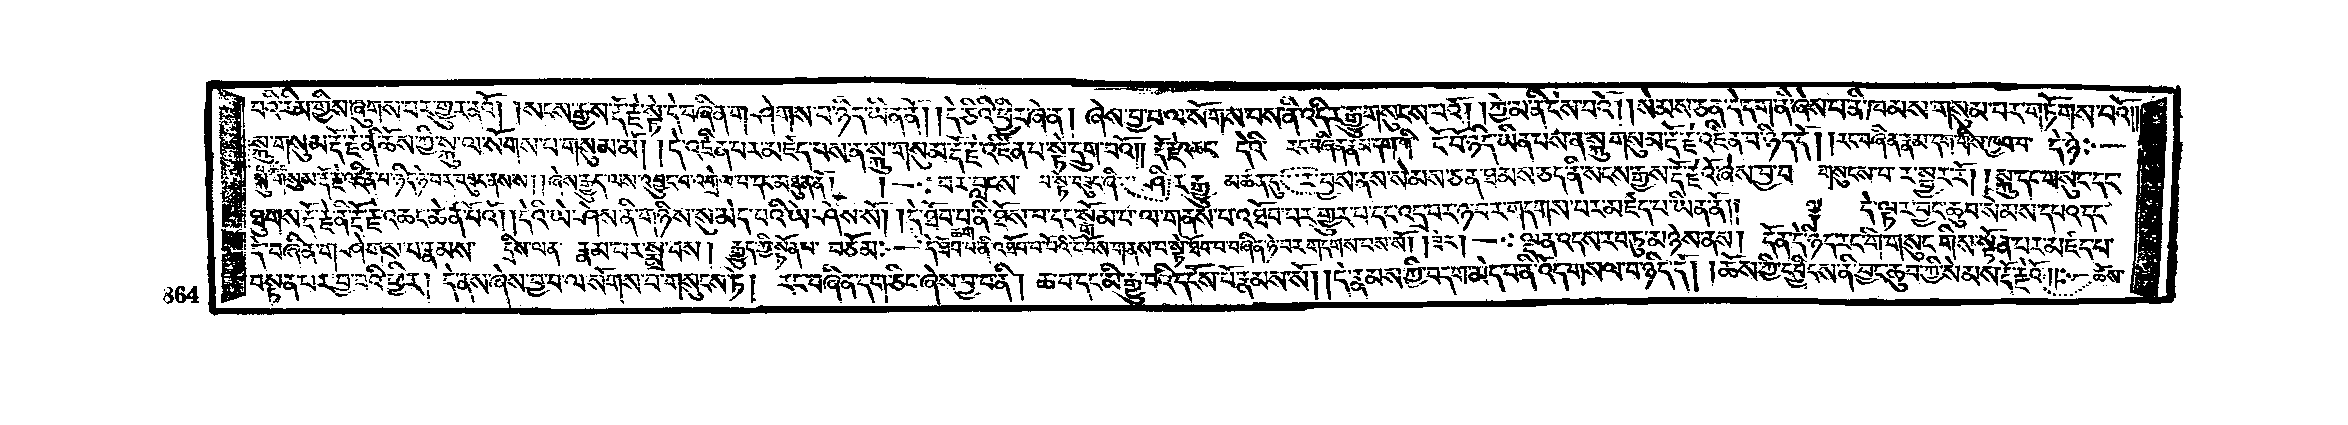པའི་རིམ་གྱིས་ཞུགས་པར་གྱུར་ནའོ། །སངས་རྒྱས་རྡོ་རྗེ་སྟེ་དེ་བཞིན་གཤེགས་པ་ཉིད་ཡིན་ནོ། །དེ་ཅིའི་ཕྱིར་ཞེ་ན། ཞེས་བྱ་བ་ལ་སོགས་པས་ནི་འདིར་རྒྱུ་གསུངས་པའོ། །ཀྱེ་མ་ནི་ངེས་པའོ། །སེམས་ཅན་དེ་དག་ནི་ཞེས་པ་ནི་ཁམས་གསུམ་པར་གཏོགས་པའོ།།
སྐུ་གསུམ་རྡོ་རྗེ་ནི་ཆོས་ཀྱི་སྐུ་ལ་སོགས་པ་གསུམ་མོ། །དེ་འཛིན་པར་མཛད་པས་ན་སྐུ་གསུམ་རྡོ་རྗེ་འཛིན་པ་སྟེ་དྲུག་པའོ། ། རྡོ་རྗེ་འཆང་དེའི་རང་བཞིན་རྣམ་དག་གི་ངོ་བོ་ཉིད་ཡིན་པས་ན་སྐུ་གསུམ་རྡོ་རྗེ་འཛིན་པ་ཉིད་དོ། ། རང་བཞིན་རྣམ་དག་གིས་ཁྱབ་པ་དེ་ཉིཿ
པ་ཚབ་སྐུ་གསུམ་རྡོ་རྗེ་འཛིན་པ་ཉིད་ཉེ་བར་བཟུང་ནས་སོ། །ཞེས་རྒྱུད་ལས་འབྱུང་བ་འགྲེལ་པ་དང་མཐུན་ནོ། །  .Hབར་བླངས་པ་སྟེ་བཟུང་ཞི་ཤི་རྒྱུ་མཚན་དུ་ར་བྱས་ནས་སེམས་ཅན་ཐམས་ཅད་ནི་སངས་རྒྱས་རྡོ་རྗེའོ་ཞེས་བྱ་བ་གསུངས་པ་ར་སྦྱར་རོ། །སྐུ་དང་གསུང་དང་
ཐུགས་རྡོ་རྗེ་ནི་རྡོ་རྗེ་འཆང་ཆེན་པོའོ། །དེའི་ཡེ་ཤེས་ནི་གཉིས་སུ་མེད་པའི་ཡེ་ཤེས་སོ། །དེ་ཐོབ་པ་ནི་ཐོས་པ་དང་སྒོམ་པ་ལ་གནས་པ་འཐོབ་པར་གྱུར་པ་དང་འདྲ་བར་ཉ་བར་གདགས་པར་མཛད་པ་ཡིན་ནོ།། ༈ དེ་ལྟར་བྱང་ཆུབ་སེམས་དཔའ་དང་དེ་བཞིན་གཤེགས་པ་རྣམས་དྲིས་ལན་རྣམ་པར་སྨྲ་བས། རྒྱུད་ཀྱི་སྟོན་པ་བཅོམཿ་དེ་ཐོབ་ཆག་པ་ནི་འཐོབ་པ་པོའི་ངོ་བོས་གནས་པ་སྟེ་ཐོབ་པ་བཞིན་ཉེ་བར་གདགས་པས་སོ། །ཟེར།  .Hལྡན་འདས་རབ་ཏུ་མཉེས་ནས། དོན་དེ་ཉིད་རང་གི་གསུང་གིས་སྟོན་པར་མཛད་པ་
བསྟན་པར་བྱ་བའི་ཕྱིར། དེ་ནས་ཞེས་བྱ་བ་ལ་སོགས་པ་གསུངས་ཏེ། རང་བཞིན་དག་ཅིང་ཞེས་བྱ་བ་ནི། རྒྱུ་བ་དང་མ་རྒྱུ་བའི་དངོས་པོ་རྣམས་སོ། །དེ་རྣམས་ཀྱི་བདག་མེད་པ་ནི་འོད་གསལ་བ་ཉིད་དོ། །ཆོས་ཀྱི་དབྱིངས་ནི་བྱང་ཆུབ་ཀྱི་སེམས་རྡོ་རྗེའོ།།H.་ཆོས་